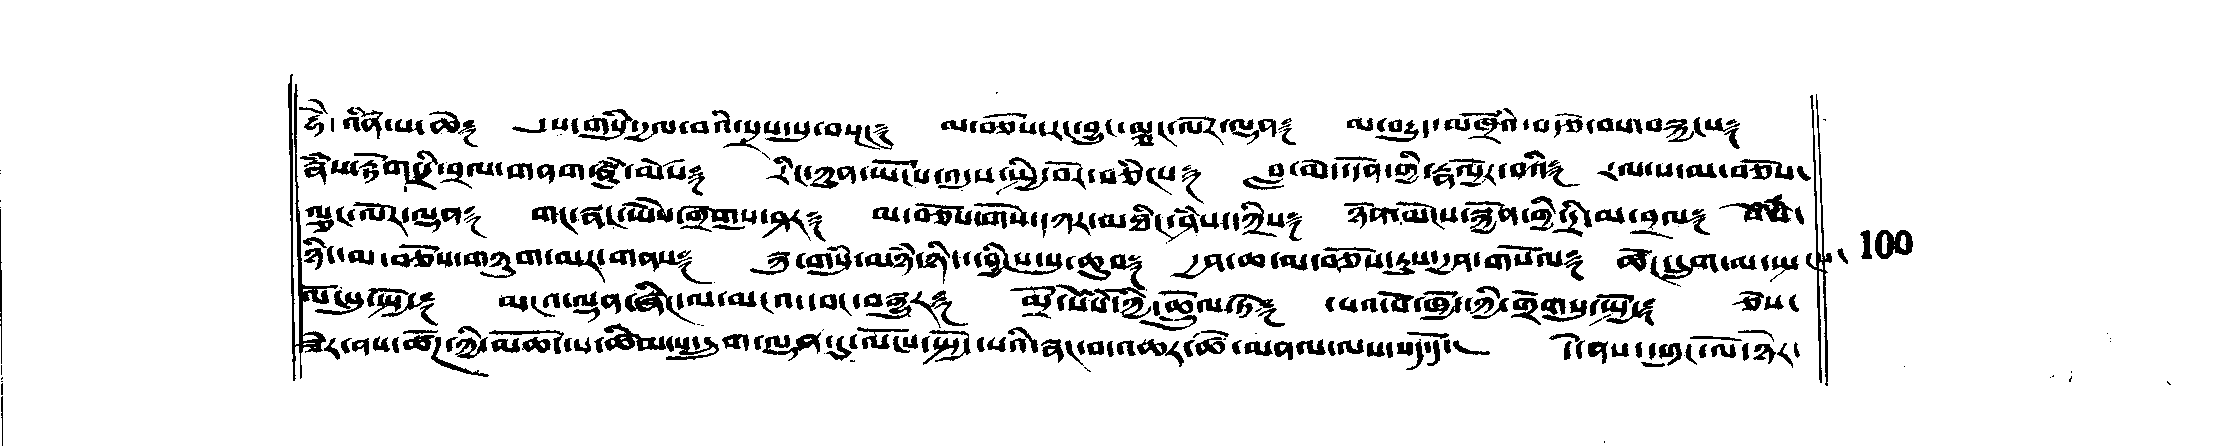རྡོ་རྗེ་འཛིན་པ་ཆེ། །དུས་གསུམ་རྒྱལ་བའི་སྲས་སུ་བསྔགས། །མ་བཅོས་རང་བྱུང་ལྕང་ལོར་ལྡན། །མ་བརྒྱུད་མཁའ་འགྲོའི་བརྩེ་བས་བསྐྱངས། །
རྣམ་རྟོག་དྲི་བྲལ་གནག་སྣུམ་མཛེས། །རིགས་ཀུན་ཡོངས་འདུས་སྤྱི་བོར་བཅིངས། །བླ་མེད་དོན་གྱི་རྣལ་འབྱོར་པའི། །རལ་པ་མ་བཅོས་
ལྕང་ལོར་ལྡན། །གང་སྣང་ཡེ་ཤེས་གྲོགས་སུ་ཤར། །མ་བཅོས་གོས་དཀར་མཐིང་༼མཐང་?༽ཤམ་དཀྲིས། །ཉོན་མོངས་སྐྱོན་གྱི་དྲི་མ་བྲལ། །སེམས་
ཉིད་མ་བཅོས་གཉུག་མར་གནས། །སྐུ་གསུམ་མཉམ་ཉིད་དབྱིངས་སུ་ཆུབ། །རྒྱན་ཆ་མ་བཅོས་རུས་རྒྱན་གསོལ། །ཚོགས་དྲུག་མ་སྤངས་
ལོངས་སུ་སྤྱོད། །མངའ་ལྡན་ཞིང་ལ་མངའ་དབང་བསྒྱུར། །མཁའ་འགྲོ་སེམས་ཀྱི་ཆོས་འཕྲུལ་ཏེ། །དཔའ་བོ་ཁྱོད་ཀྱི་གྲོགས་སུ་སྤྱོད། །ཅེས་
ཟེར་ནས་ཚོགས་ཀྱི་མཆོད་པ་ཚིམ་པ་དྲུག་ལྡན་དུ་ལོངས་སྤྱོད་པའི་སྣང་བ་འཆར་ཚེ་མནལ་ལས་སད་དོ།དེ་ནས་དགུང་ལོ་ཉེར་